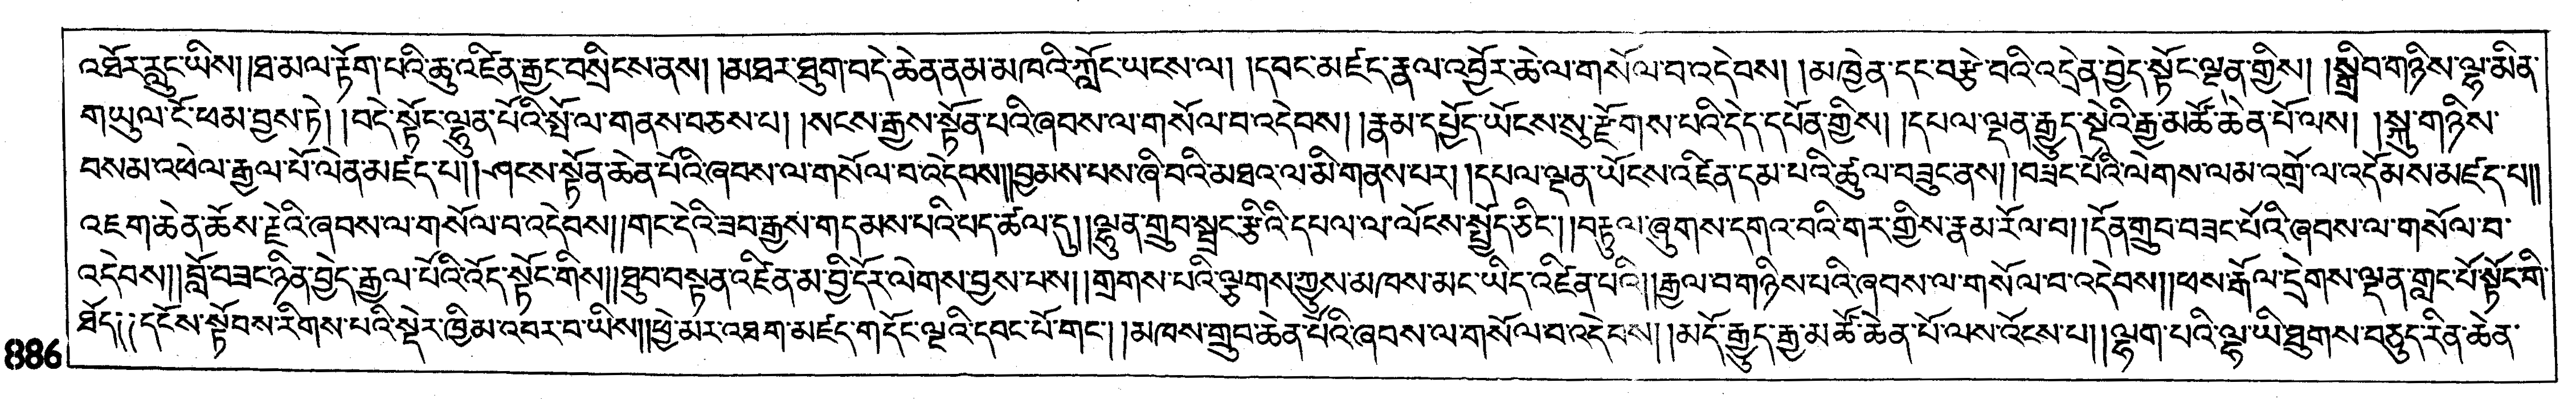འཐོར་རླུང་ཡིས། །ཐ་མལ་རྟོག་པའི་ཆུ་འཛིན་རྒྱང་བསྲིངས་ནས། །མཐར་ཐུག་བདེ་ཆེན་ནམ་མཁའི་ཀློང་ཡངས་ལ། །དབང་མཛད་རྣལ་འབྱོར་ཆེ་ལ་གསོལ་བ་འདེབས། །མཁྱེན་དང་བརྩེ་བའི་འདྲེན་བྱེད་སྟོང་ལྡན་གྱིས། །སྒྲིབ་གཉིས་ལྷ་མིན་
གཡུལ་ངོ་ཕམ་བྱས་ཏེ། །བདེ་སྟོང་ལྷུན་པོའི་སྤོ་ལ་གནས་བཅས་པ། །སངས་རྒྱས་སྟོན་པའི་ཞབས་ལ་གསོལ་བ་འདེབས། །རྣམ་དཔྱོད་ཡོངས་སུ་རྫོགས་པའི་དེད་དཔོན་གྱིས། །དཔལ་ལྡན་རྒྱུད་སྡེའི་རྒྱ་མཚོ་ཆེན་པོ་ལས། །སྐུ་གཉིས་
བསམ་འཕེལ་རྒྱལ་པོ་ལེན་མཛད་པ། །ཤངས་སྟོན་ཆེན་པོའི་ཞབས་ལ་གསོལ་བ་འདེབས། །བྱམས་པས་ཞི་བའི་མཐའ་ལ་མི་གནས་པར། །དཔལ་ལྡན་ཡོངས་འཛིན་དམ་པའི་ཚུལ་བཟུང་ནས། །བཟང་པོའི་ལེགས་ལམ་འགྲོ་ལ་འདོམས་མཛད་པ། །
འཇག་ཆེན་ཆོས་རྗེའི་ཞབས་ལ་གསོལ་བ་འདེབས། །གང་དེའི་ཟབ་རྒྱས་གདམས་པའི་པད་ཚལ་དུ། །ལྷུན་གྲུབ་སྦྲང་རྩིའི་དཔལ་ལ་ལོངས་སྤྱོད་ཅིང་། །བརྟུལ་ཞུགས་དགའ་བའི་གར་གྱིས་རྣམ་རོལ་བ། །དོན་གྲུབ་བཟང་པོའི་ཞབས་ལ་གསོལ་བ་
འདེབས། །བློ་བཟང་ཉིན་བྱེད་རྒྱལ་པོའི་འོད་སྟོང་གིས། །ཐུབ་བསྟན་འཛིན་མ་བྱི་དོར་ལེགས་བྱས་པས། །གྲགས་པའི་ལྕགས་ཀྱུས་མཁས་མང་ཡིད་འཛིན་པའི། །རྒྱལ་བ་གཉིས་པའི་ཞབས་ལ་གསོལ་བ་འདེབས། །ཕས་རྒོལ་དྲེགས་ལྡན་གླང་པོ་སྟོང་གི་
ཐོད། །དངོས་སྟོབས་རིགས་པའི་སྡེར་ཁྱིམ་འབར་བ་ཡིས། །ཕྱེ་མར་འཐག་མཛད་གདོང་ལྔའི་དབང་པོ་གང་། །མཁས་གྲུབ་ཆེན་པོའི་ཞབས་ལ་གསོལ་བ་འདེབས། །མདོ་རྒྱུད་རྒྱ་མཚོ་ཆེན་པོ་ལས་འོངས་པ། །ལྷག་པའི་ལྷ་ཡི་ཐུགས་བཅུད་རིན་ཆེན་